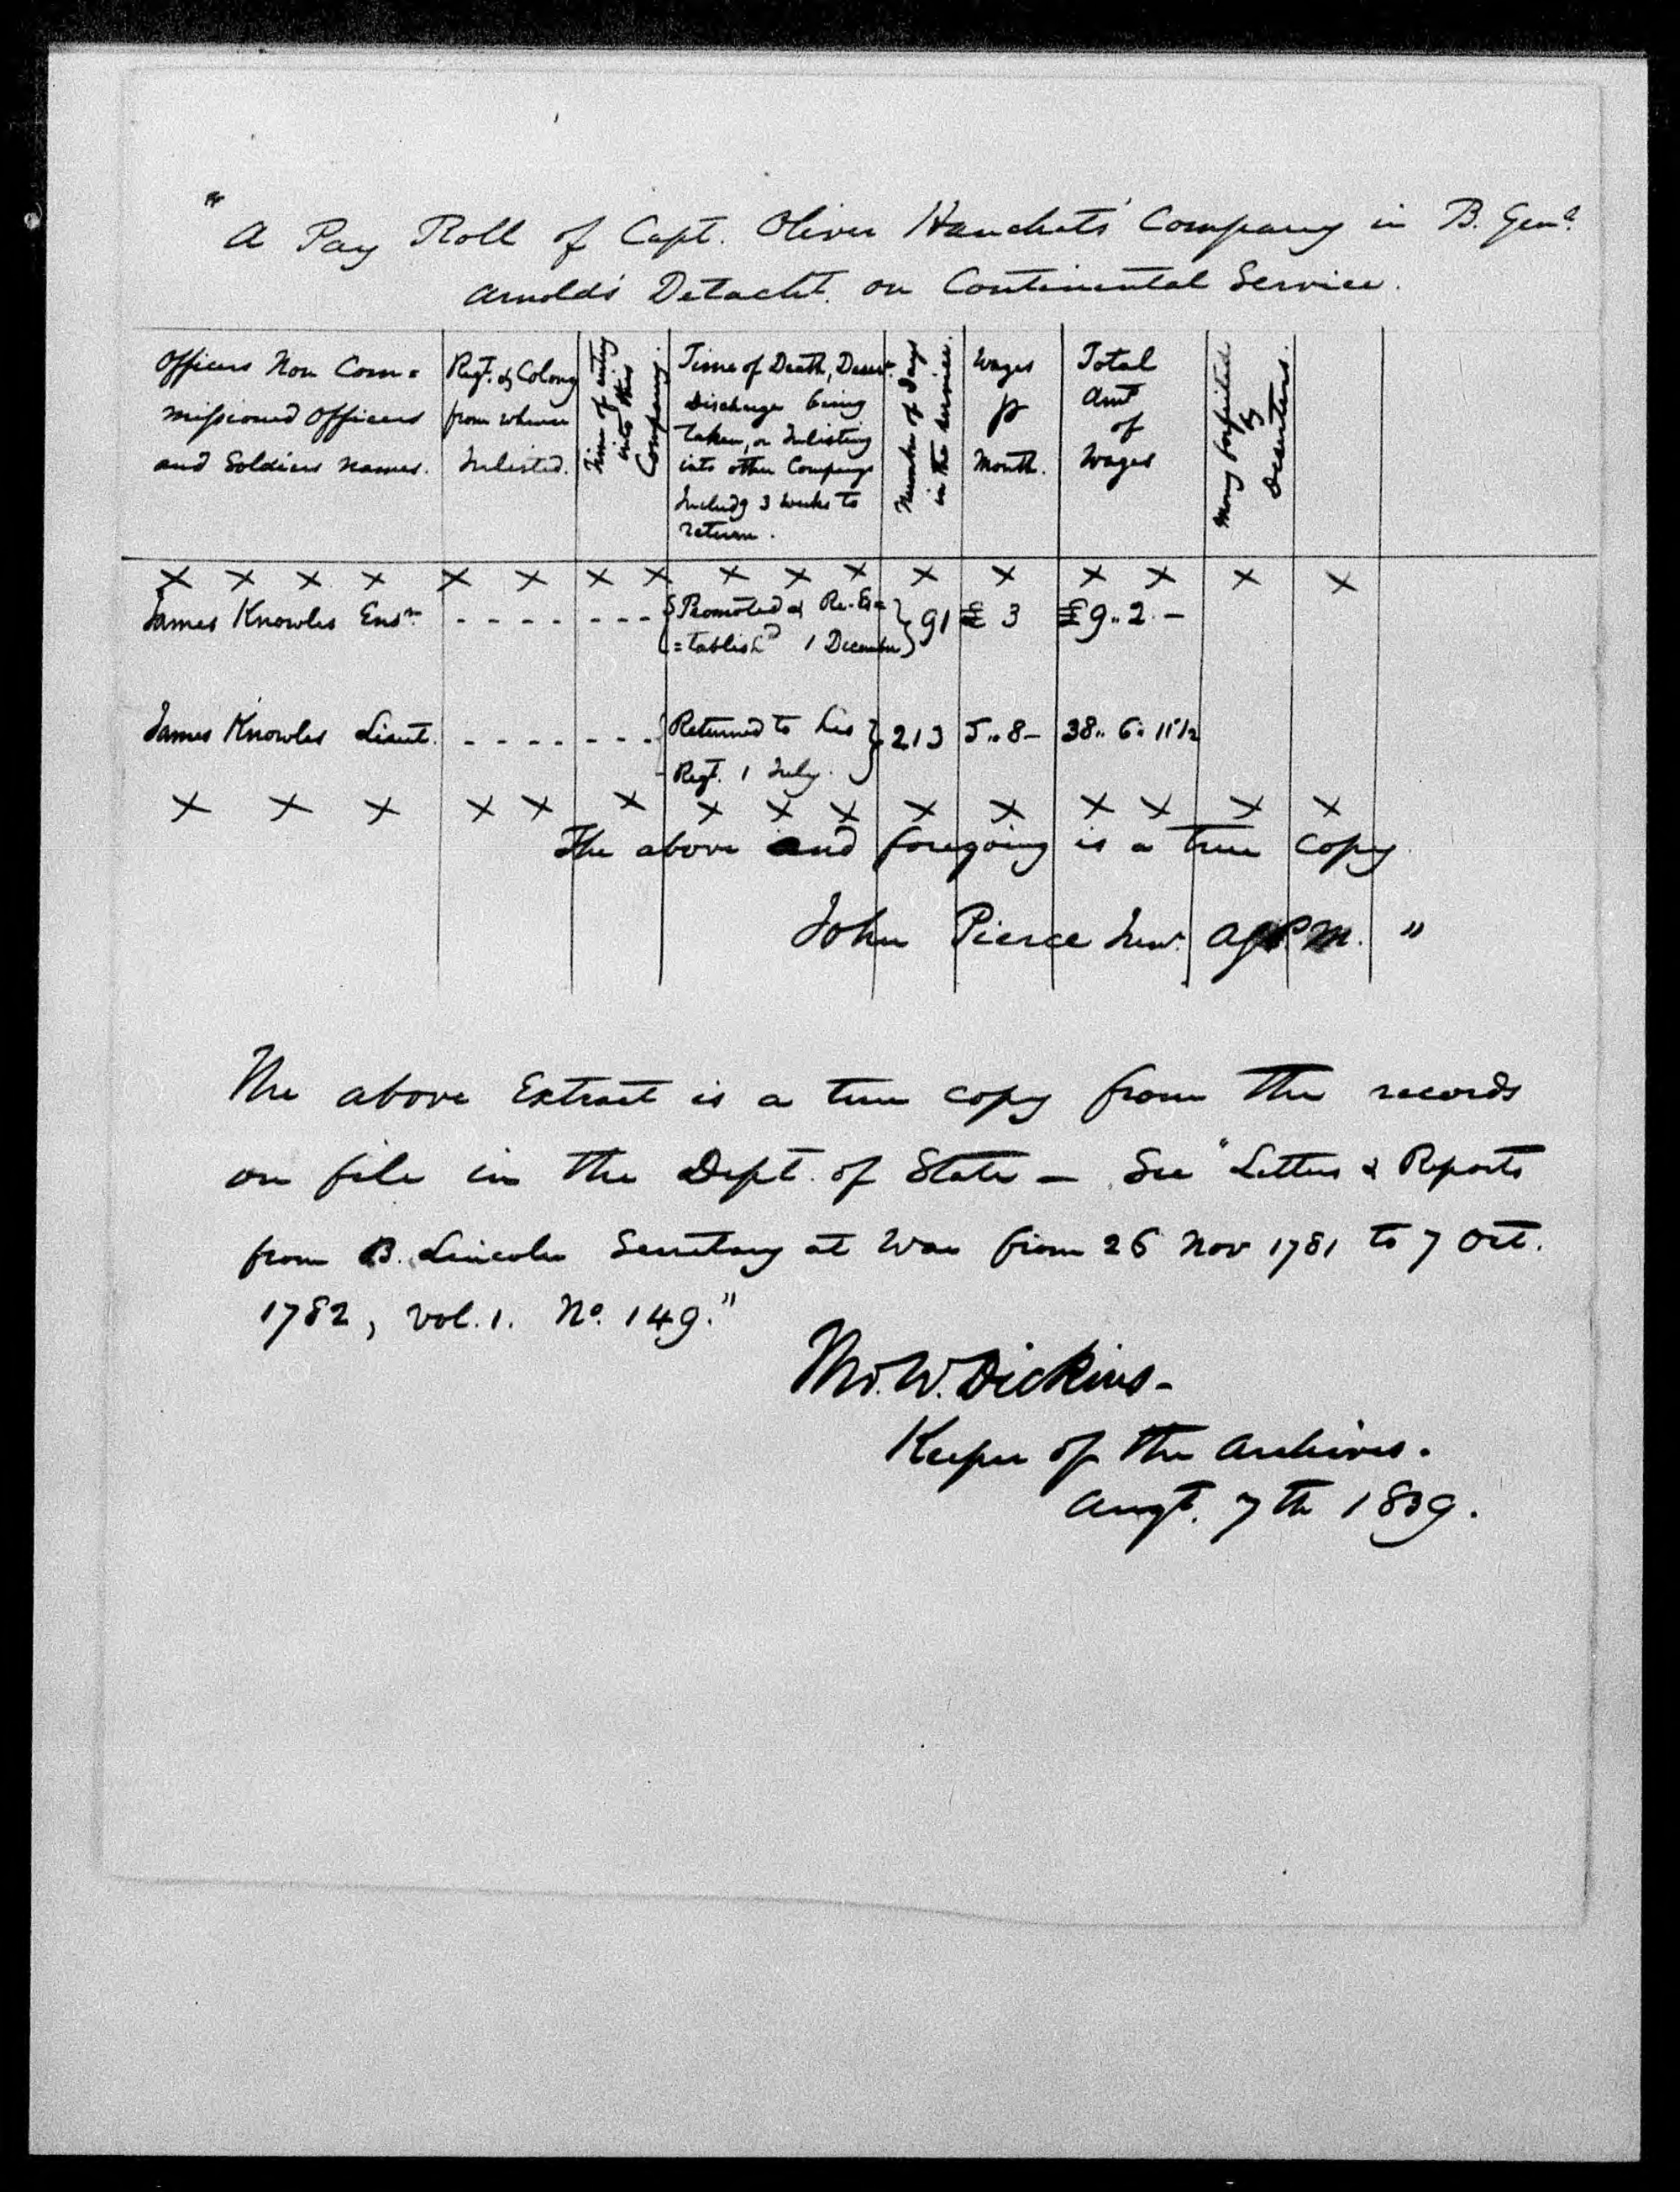(CHART)

"A Pay Roll of Capt. Oliver Hanchett's Company in B. Genl.
Arnold's Detacht. on  Continental Service.

Officers Non Commissioned  Officers and Soldiers Names
(A) James Knowles Ensn.
(B) James Knowles Lieut.

Regt. & Colony from whence Inlisted 
(A) ----
(B) ----

Time of entering into this company
(A) ----
(B) ----

Time of Death, Desert. discharge being taken, or Inlisting into other Companys Includg 3 weeks to return.
(A) Promoted & Re-Establishd 1 December
(B) Returned to his Regt. 1 July

Number of Days in the Service.
(A) 91
(B) 213

Wages P Month
(A) (Pound sign) 3 
(B) 5" 8--

Total Amt of Wages
(A) (Pound sign) 9" 2.--
(B) 38" 6. 11 1/2

Money forfeited by deserters
(A) (blank)
(B) (blank)

The above Extract is a true copy from the records on file in the Dept. of State--See "Letters & Reports from B. Lincoln  Secretary at War from 26 Nov 1781 to 7 Oct. 1782, vol. 1. No. 149."

Mr. W. Dickins--
Keeper of the Archives.
Augt. 7th 1809.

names: John Pierce; W Dickins; James Knowles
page: 26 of 60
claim: widow's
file: W. 14,036, for James Knowles, Connecticut